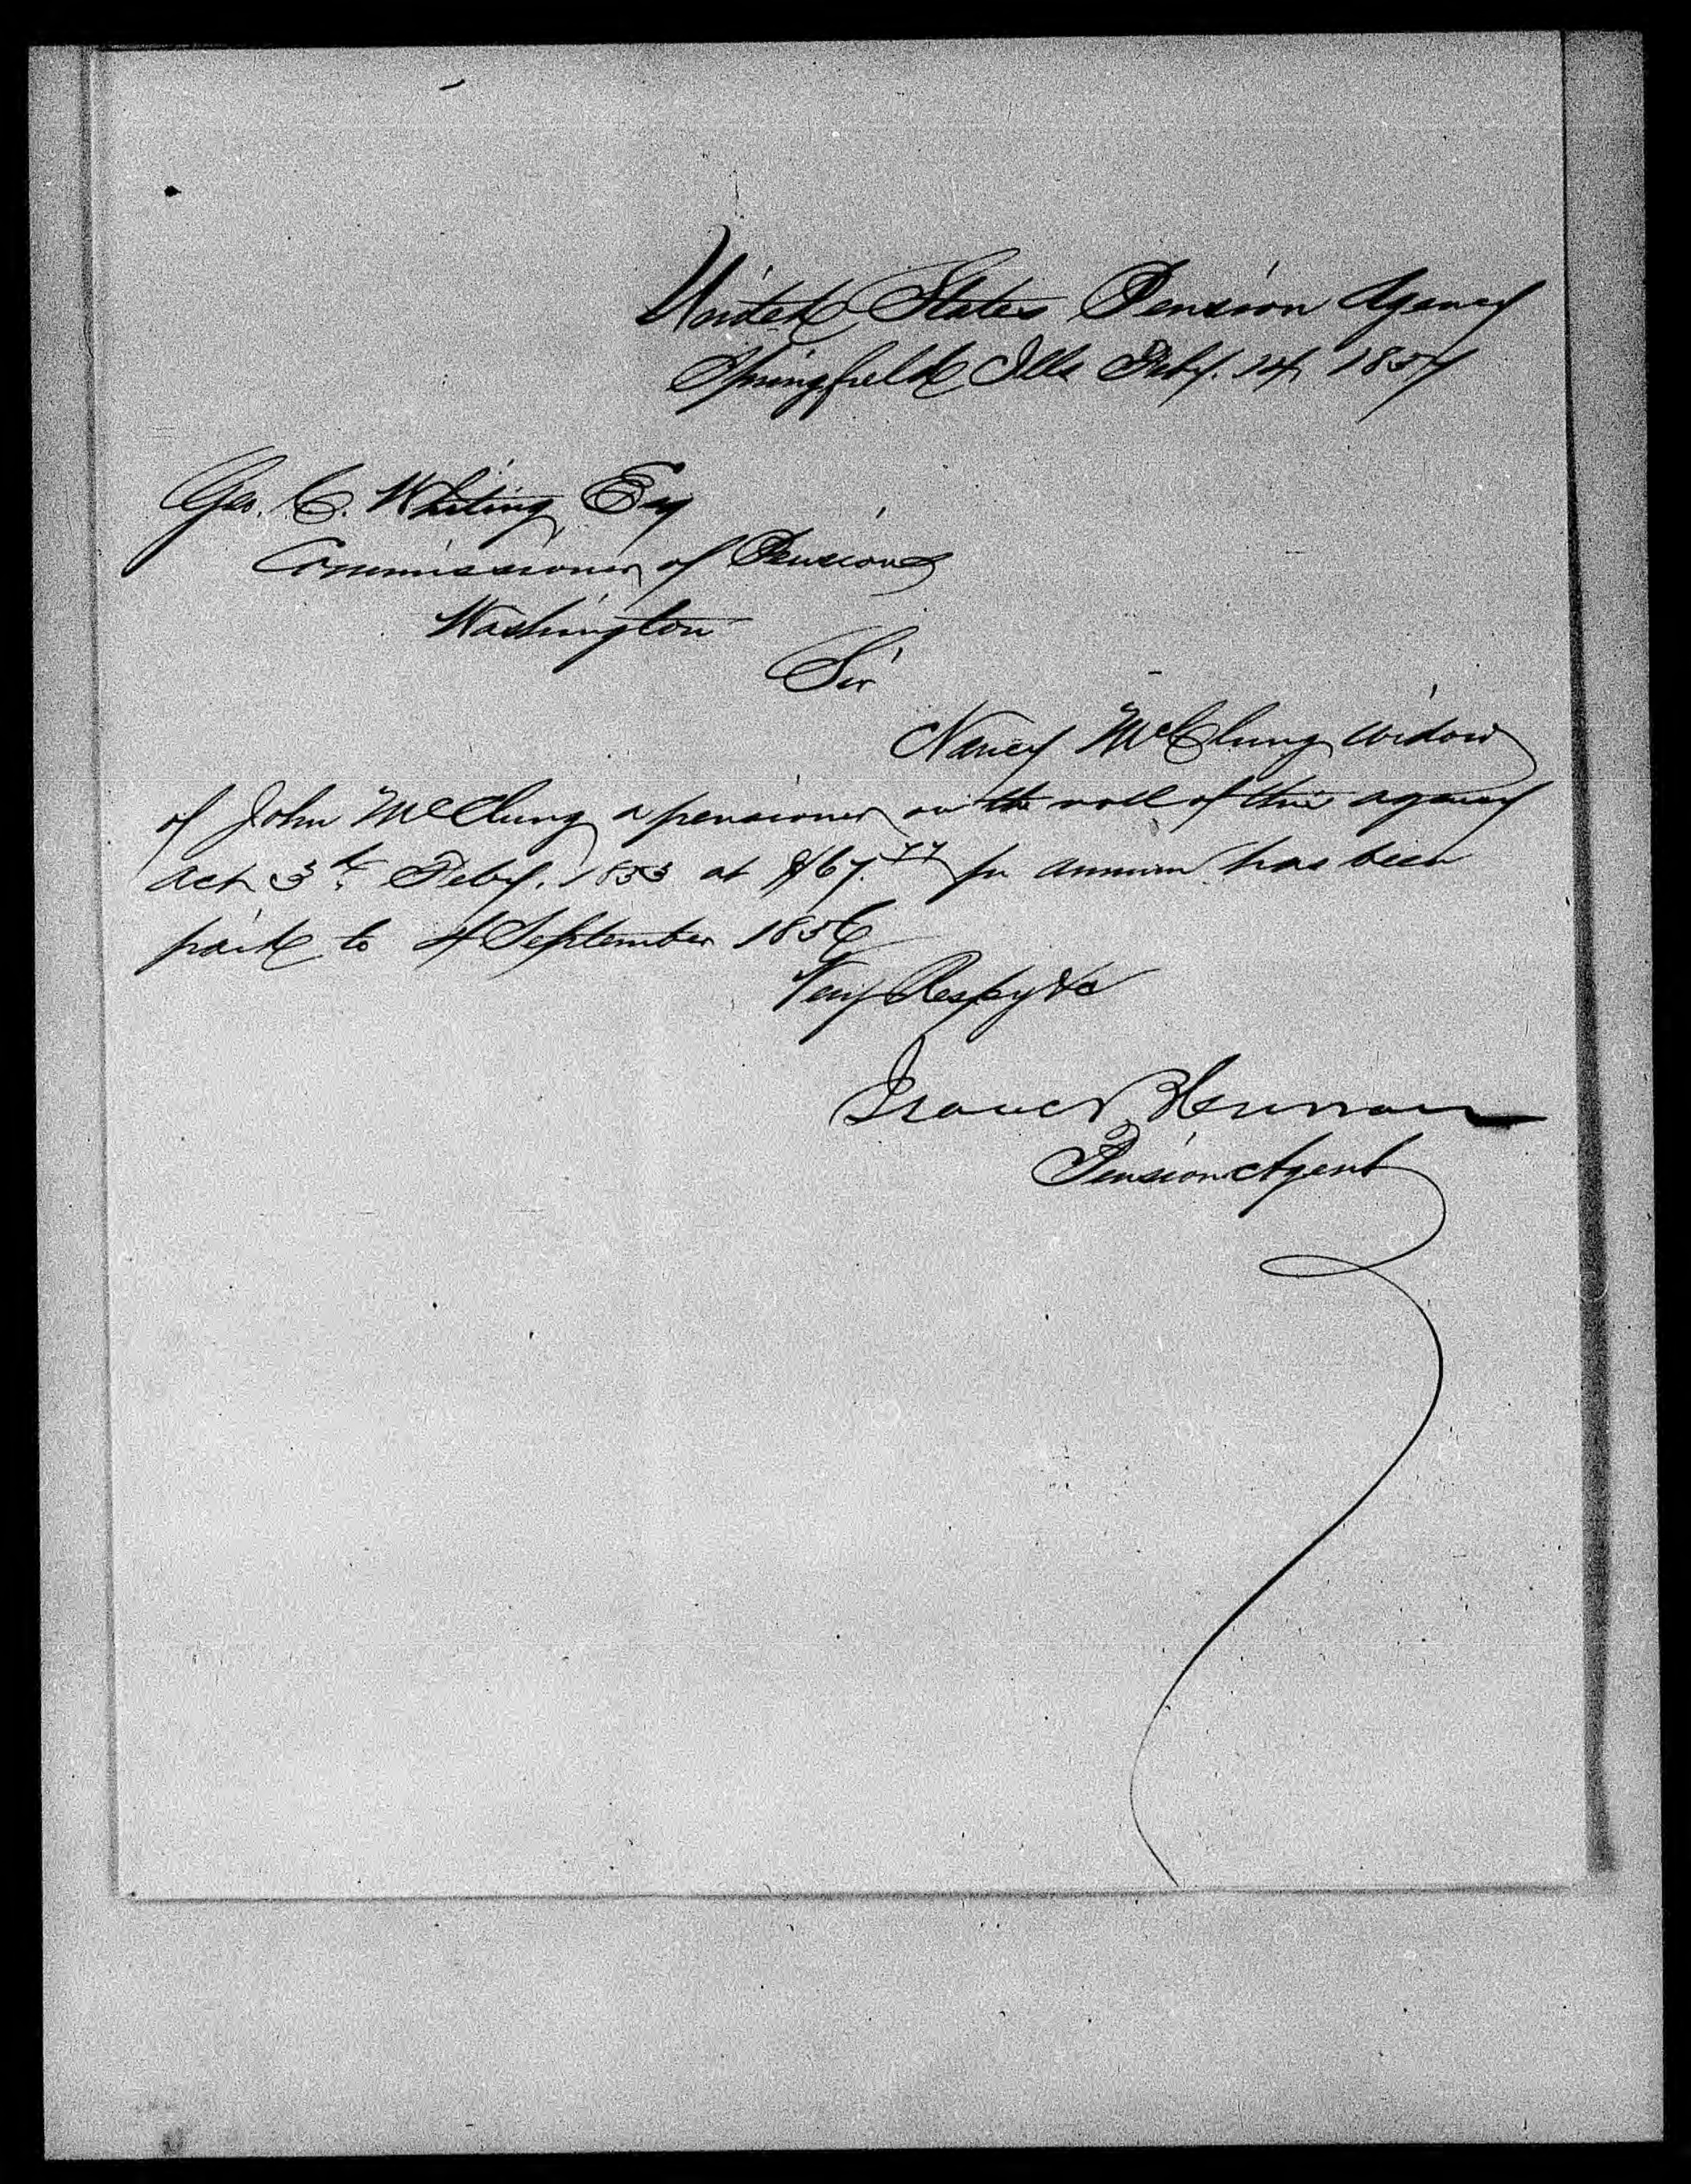United States Pension Agency
Springfield Ill July 14 1854

Geo. C. Whiting Esq.
Commissioner of Pensions
Washington
Sir
Nancy McClung Widow of John McClung a pensioner on the roll of this agency Act 3d Feby. 1853 at 67 pr annum has been paid to of September 1856

Yours Respectfully
Grover Hennon
Pension Agent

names: Isaac B Curran; Geo C Whiting; John Mc Clung; Nancy Mc Clung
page: 68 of 115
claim: widow's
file: W. 1446, for John Mc Clung, South Carolina